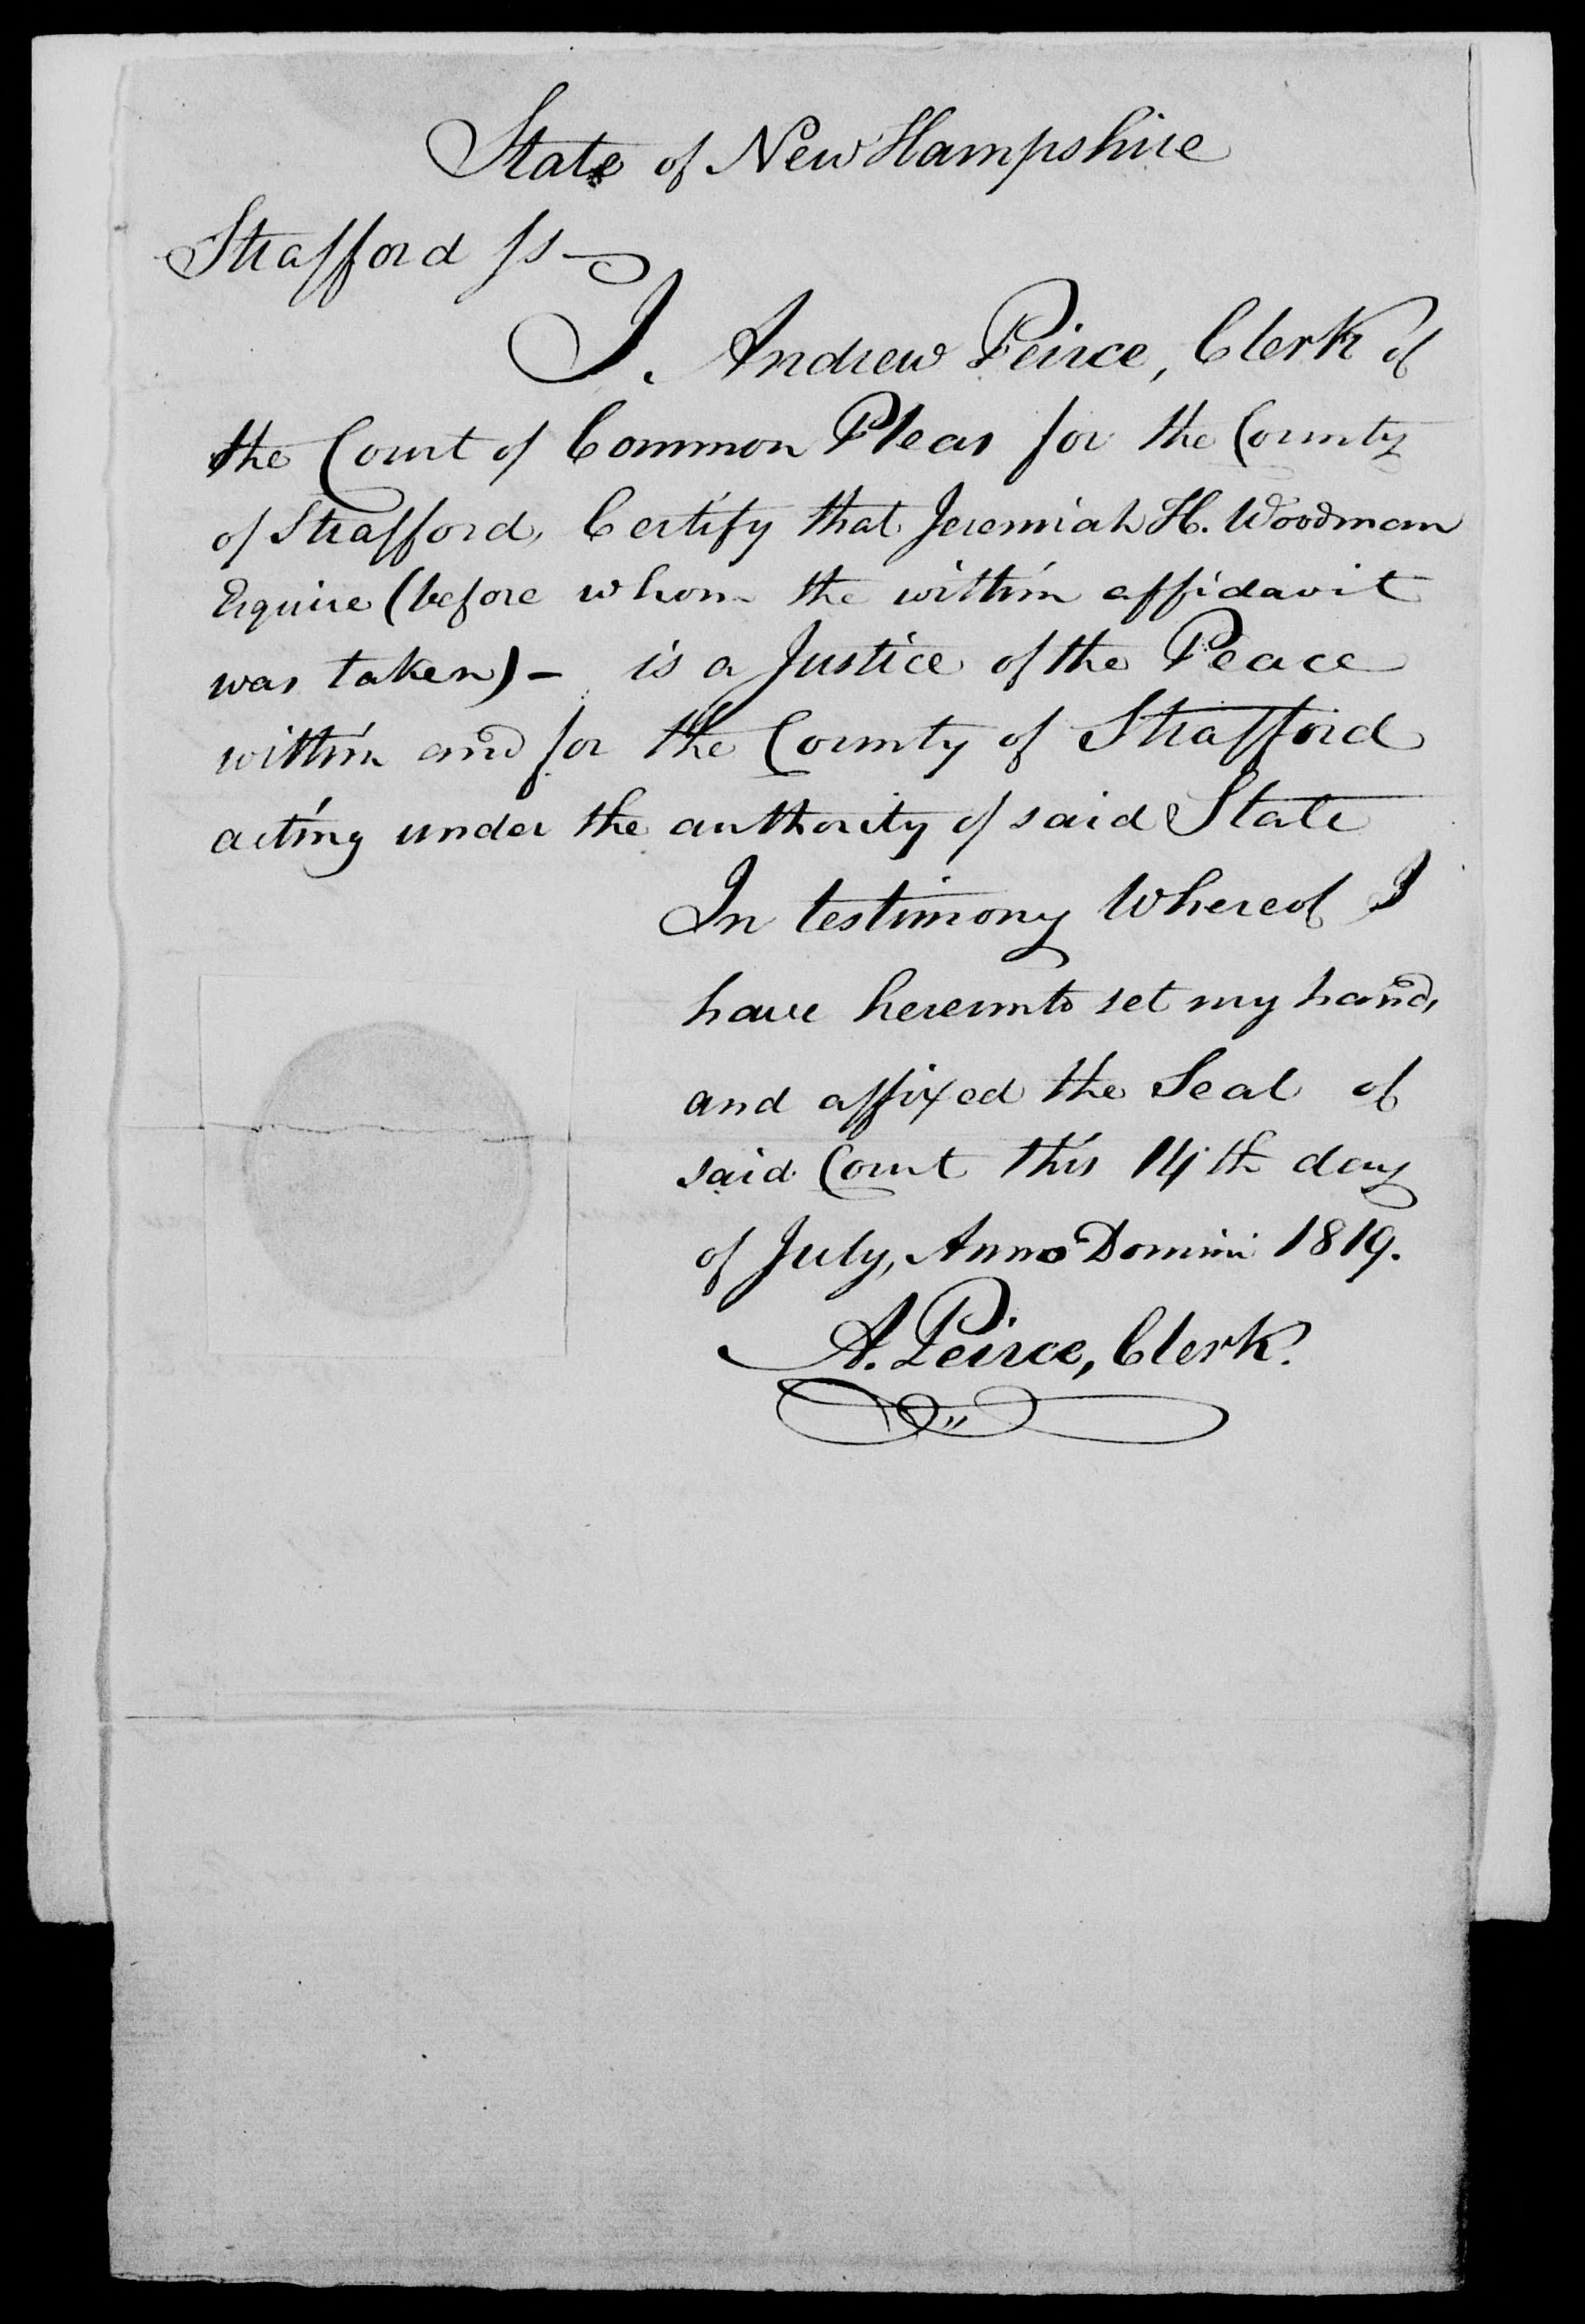State of New Hampshire Strafford S.S.

I, Andrew Peirce, Clerk of the Court of Common Pleas for the County of Strafford, certify that Jeremiah H. Woodman Esquire (before whom the within affidavit was taken) is a Justice of the Peace within and for the County of Strafford acting under the authority of said State. In testimony whereof I have hereunto set my hand and affixed the seal of said Court this 4th day of July, Anno Domini 1819.
A. Peirce, Clerk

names: Jeremiah H Woodman, Andrew Peirce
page: 30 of 35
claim: widow's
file: W. 16127, Israel Huckins, N.H.